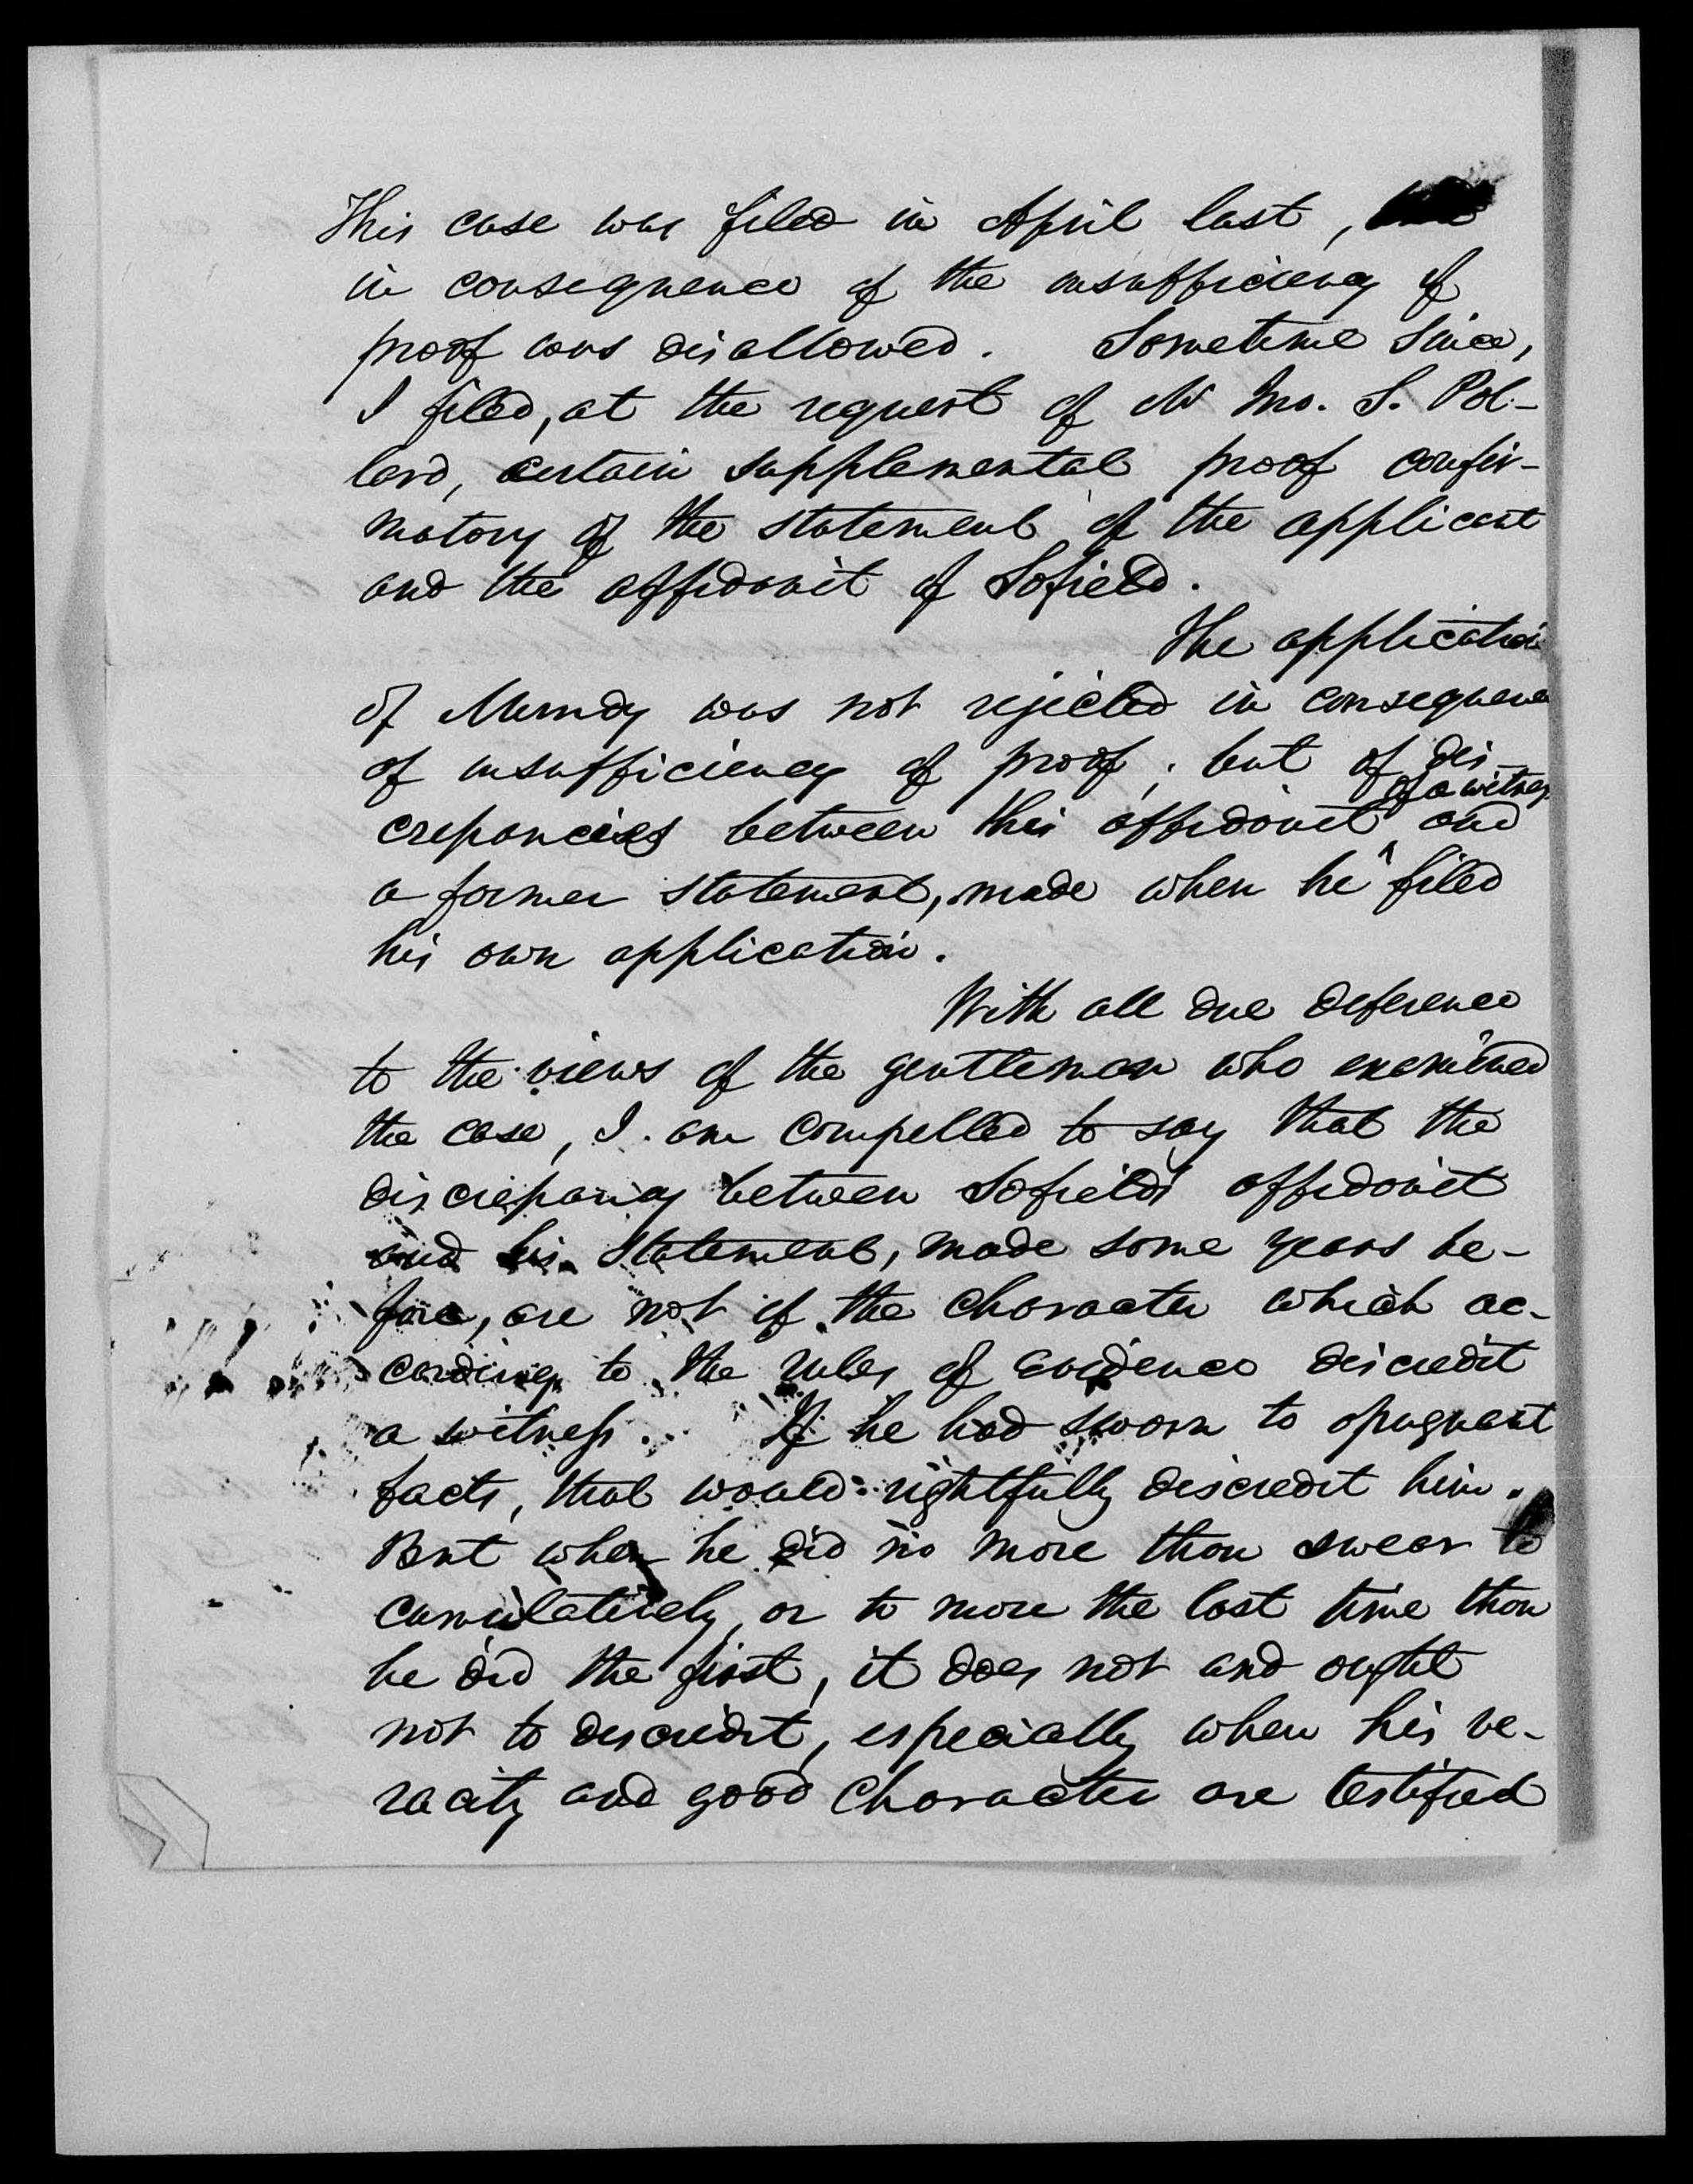...This case was filed in April last, [crossted out: that] in consequence of the insufficiency of proof was disallowed. Sometime since I filed, at the request of Mr. Jno. S. Pollard, certain supplemental proof confirmatory of the statement of the applicant and the affidavit of Sofield.

The application of Mundy was not rejected in consequence of insufficiency of proof, but of discrepancies between this affidavit and of a witness and a former statement made when he filed his own application.

With all due deference to the views of the gentlemen who examined the case, I am compelled to say that the discrepancy between Sofield's affidavit and his statement, made some years before, are not of the character which according to the rules of evidence discredit a witness. If he had sworn to [illegible]facts that would rightfully discredit him. But when he did no more than swear to cumulatively or to more the last time than he did the first, it does not and ought not to discredit, especially when his veracity and good character are testified...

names: Jno S Pollard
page: 59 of 95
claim: survivor's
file: S 2889, for Levi Mundy, New Jersey